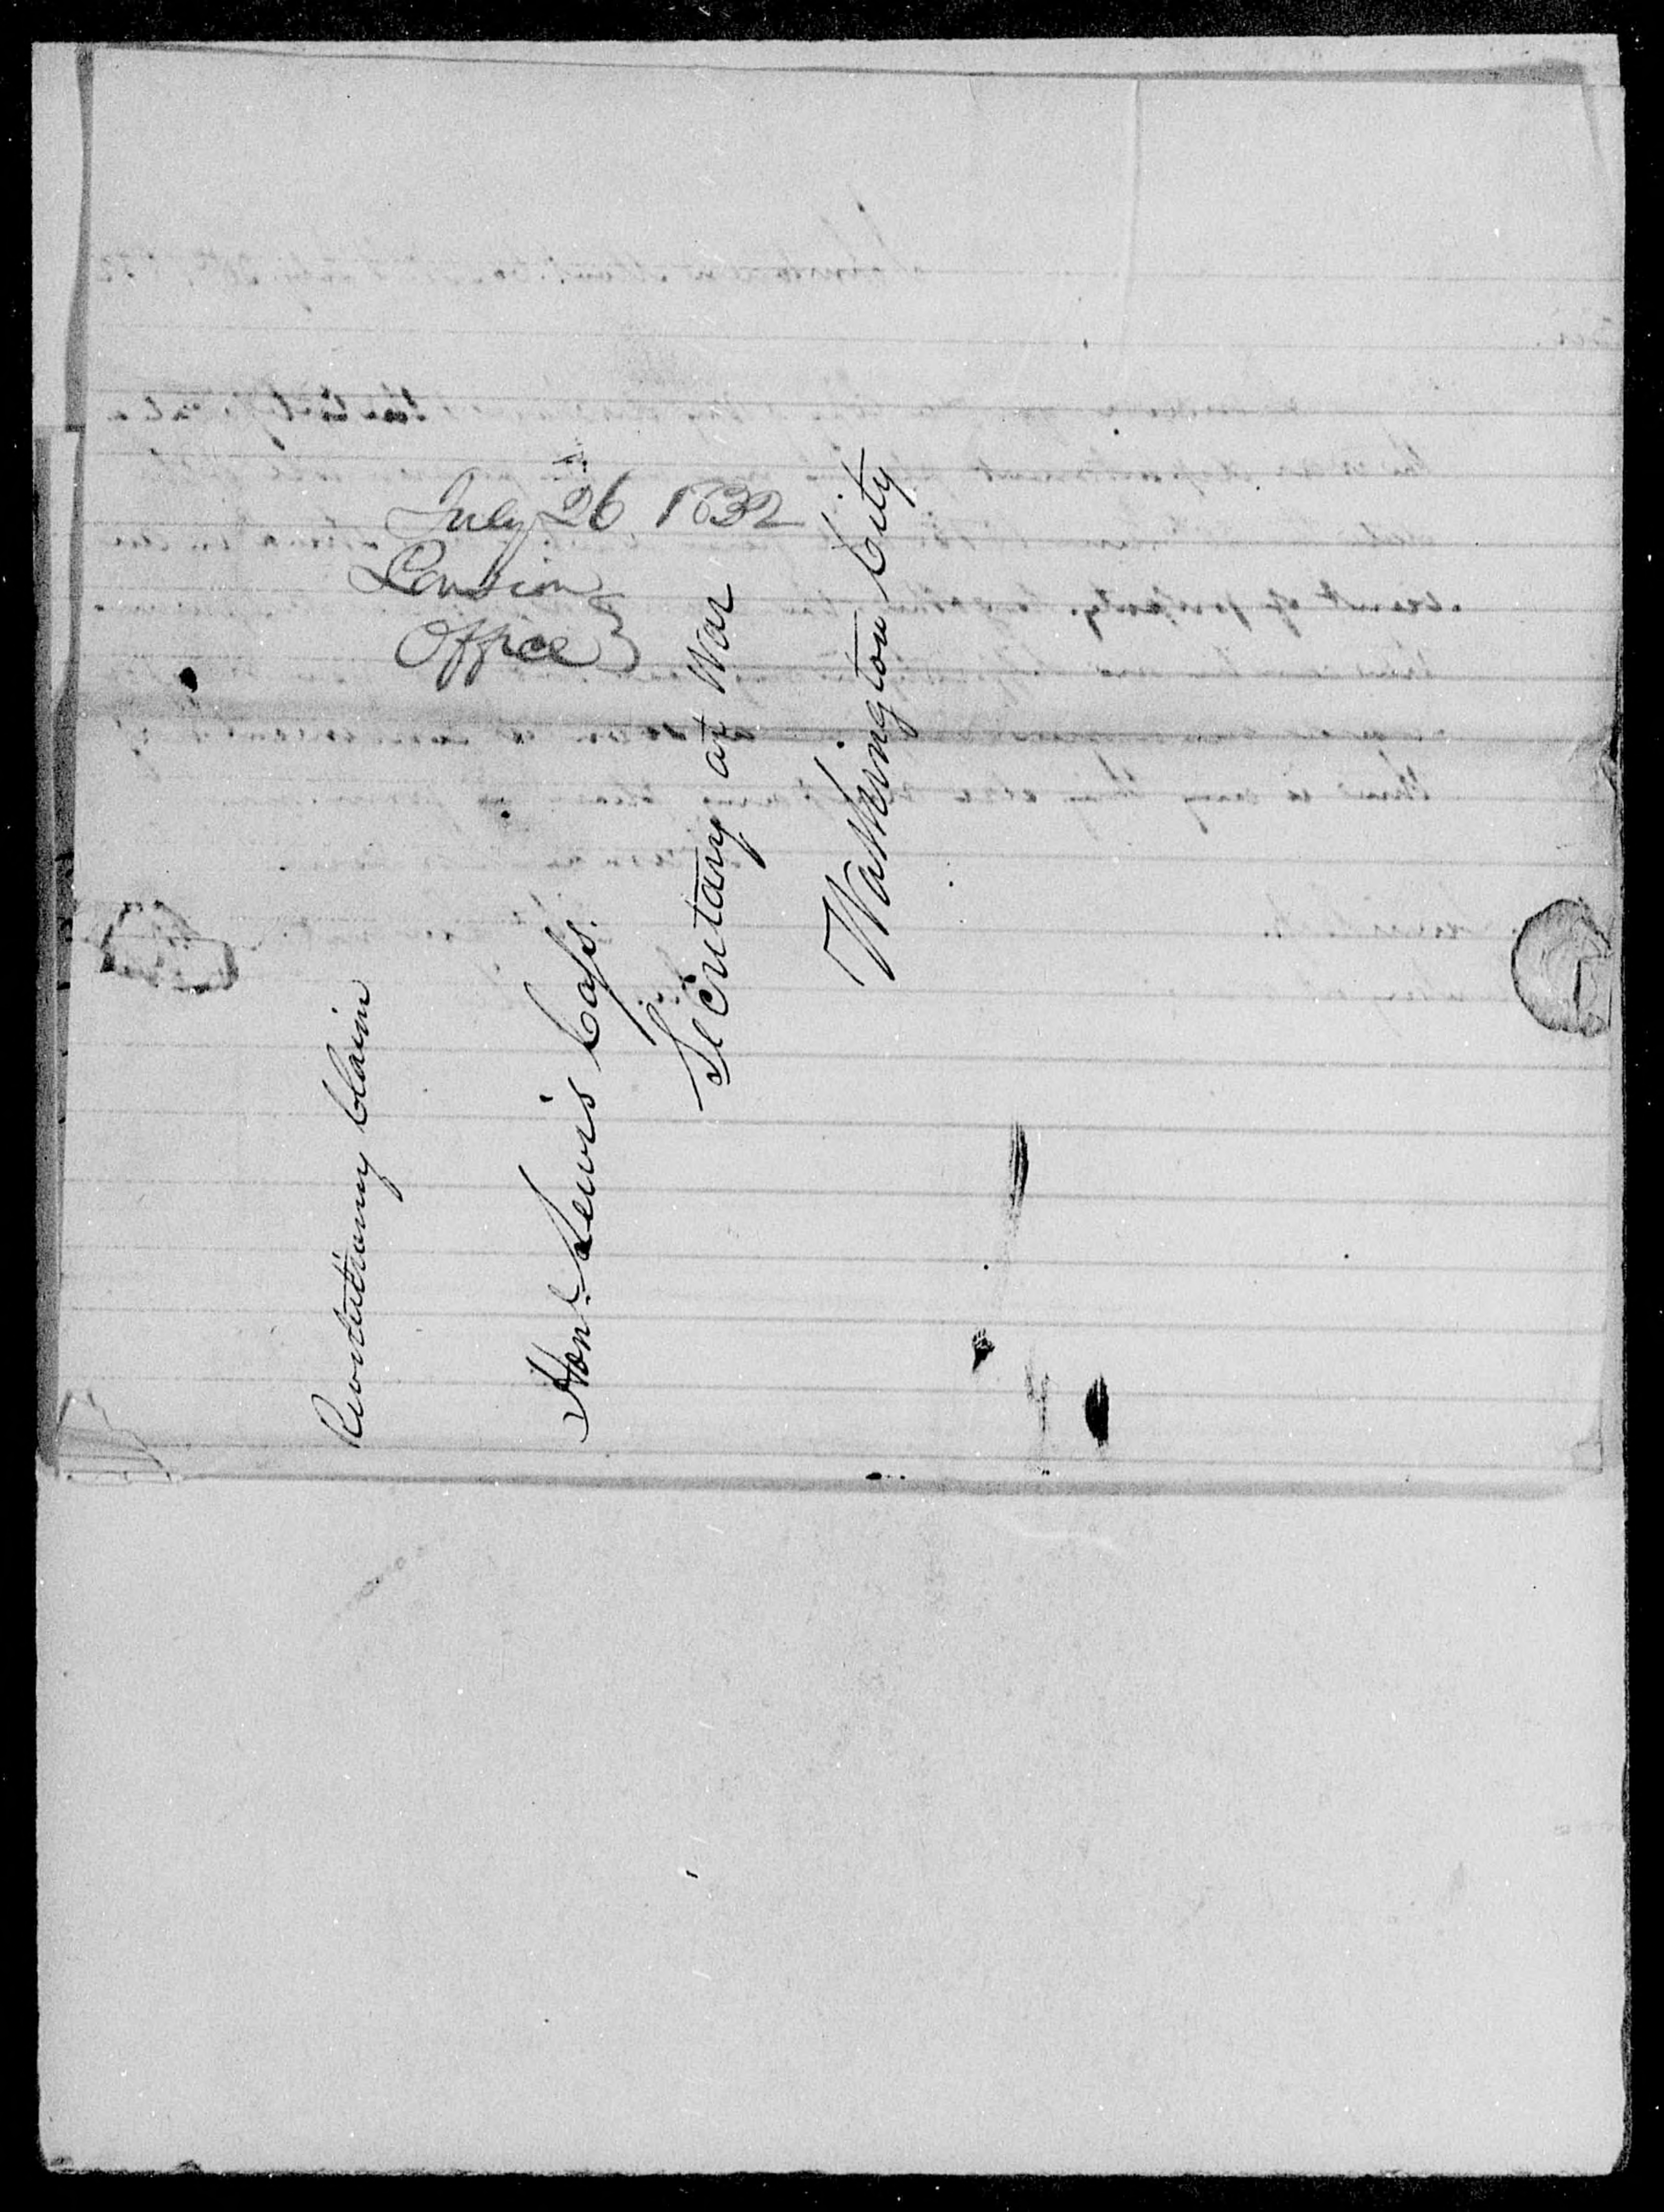[handwritten]
Revolutionary Claim
Hon Samel Cass
Secretary of War
Washington City

July 26 1832
Pension Office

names: Lewis Cass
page: 50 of 55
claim: widow's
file: W. 19503, Samuel Giles, Conti. Mass. New York